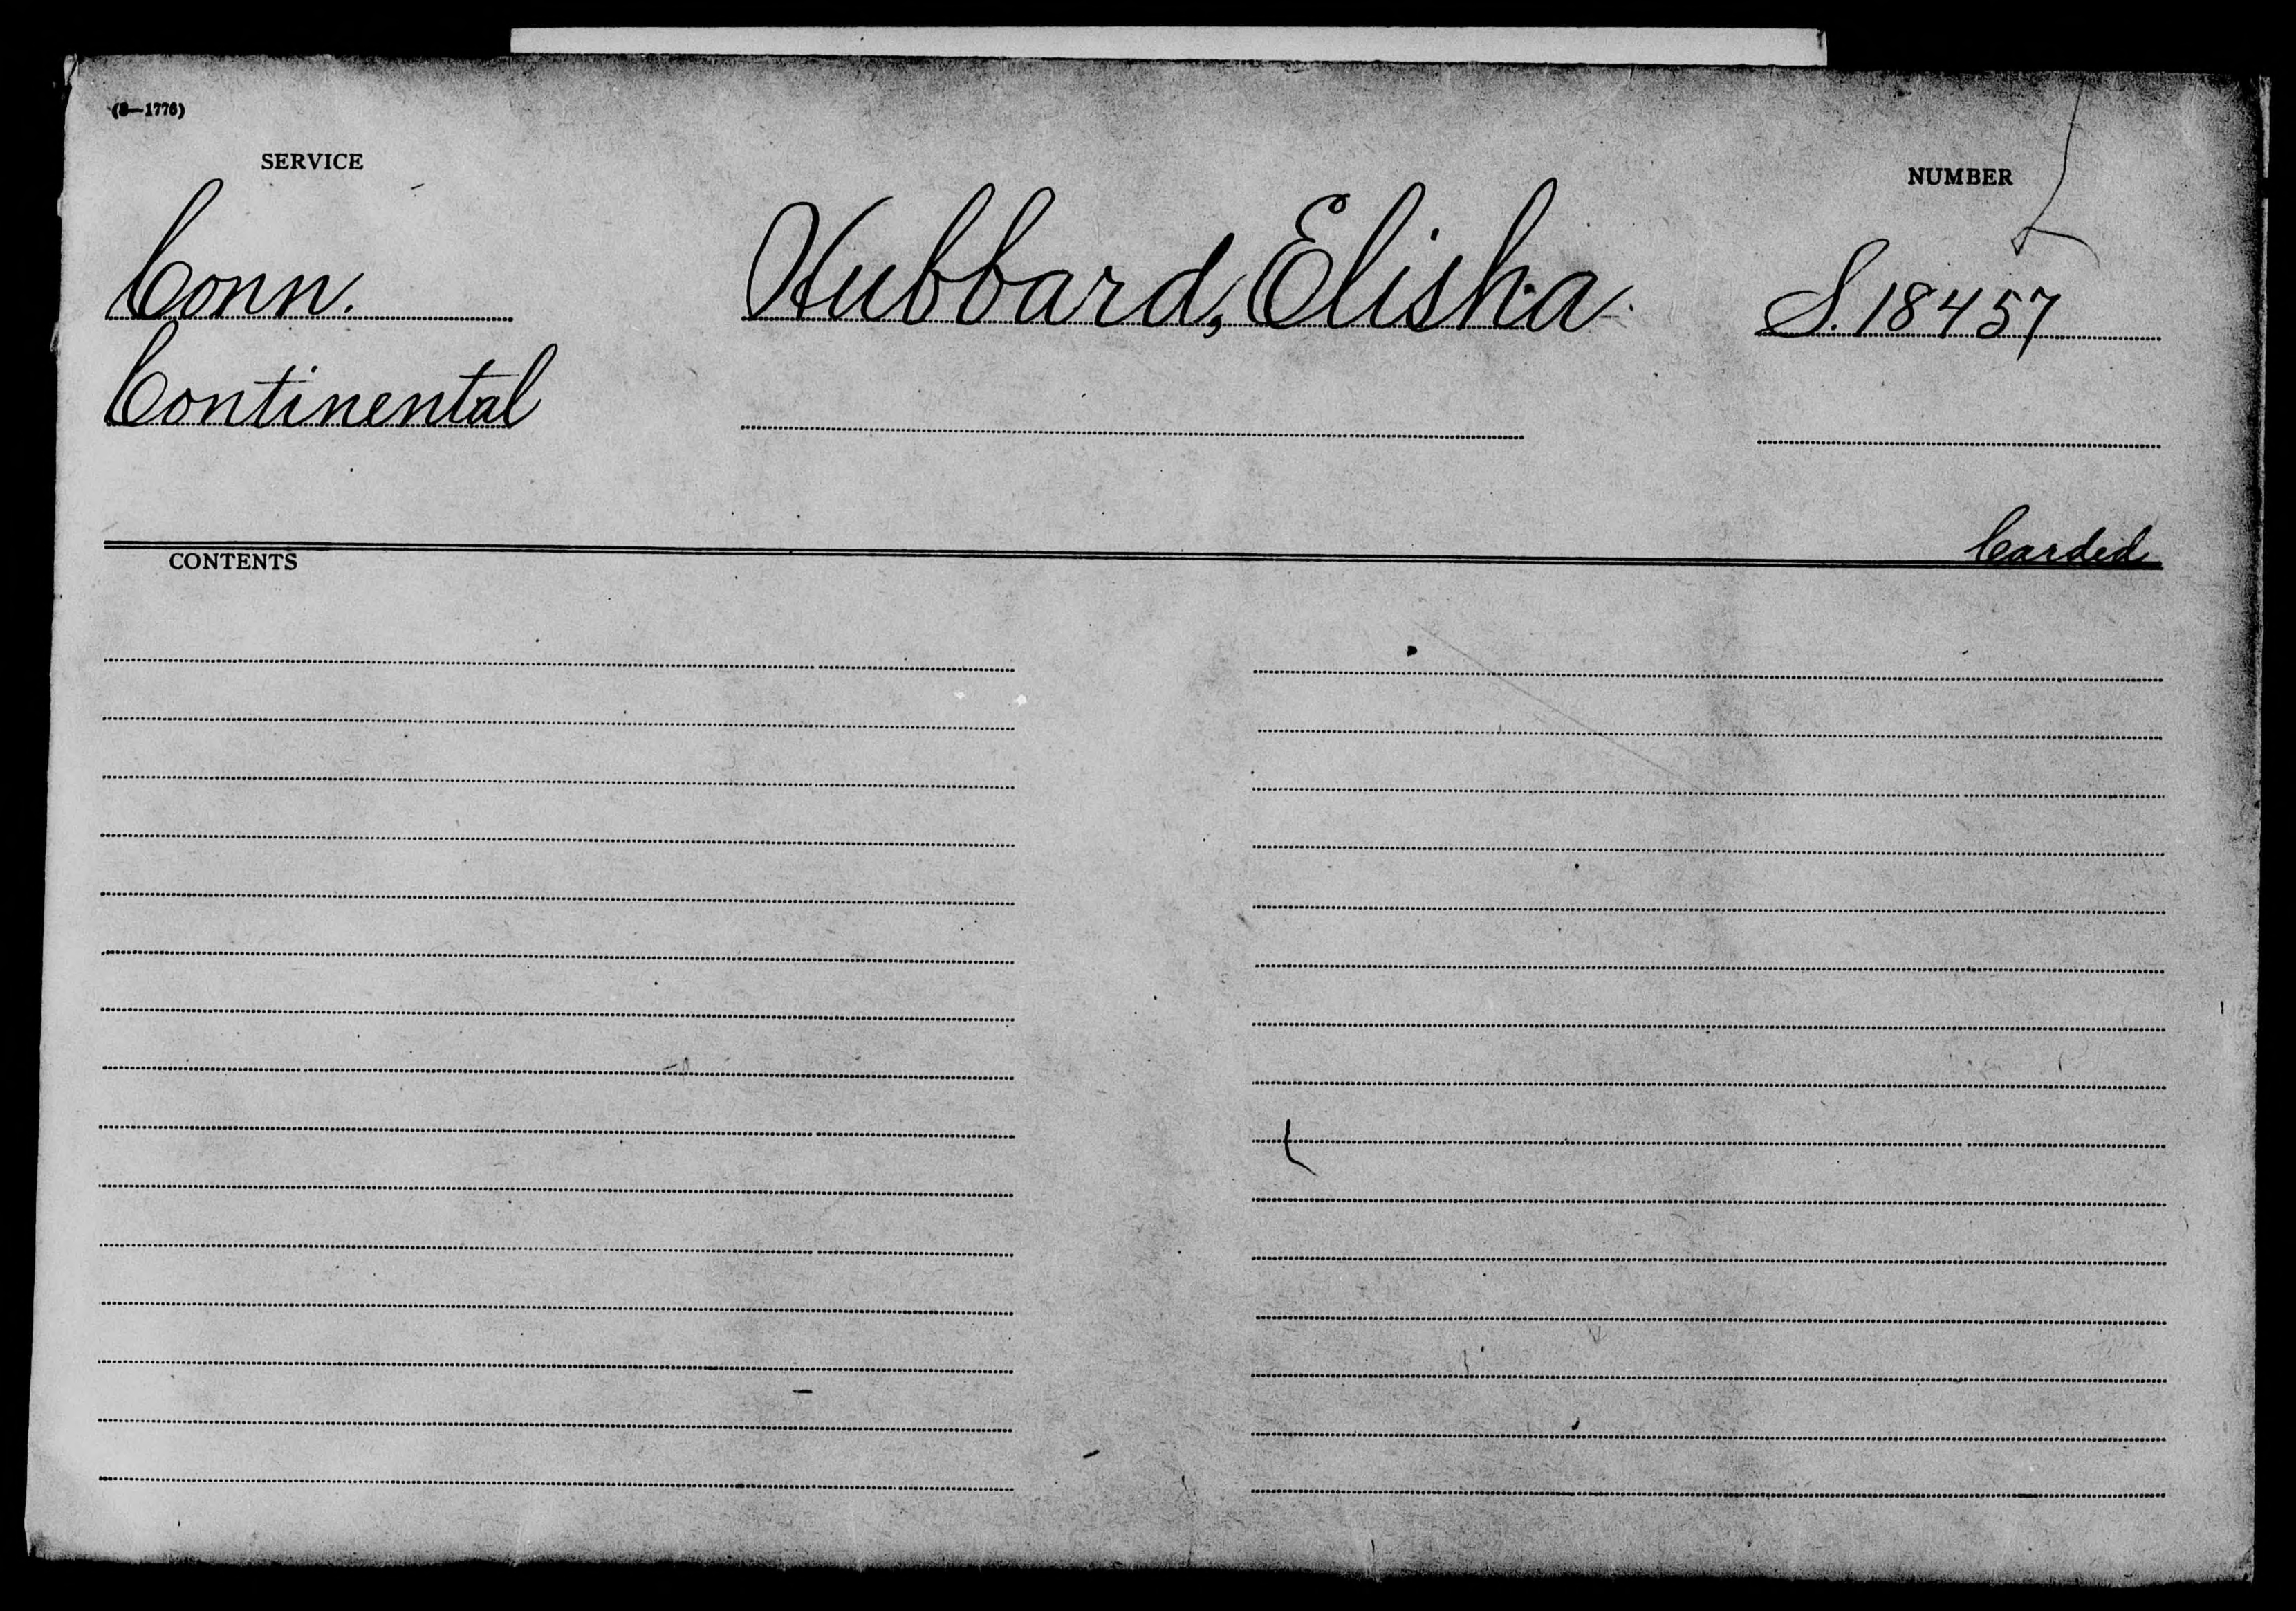Conn. 
Continental

Hubbard, Elisha
S. 18457

Carded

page: 1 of 63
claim: survivor's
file: S. 18457, Elisha Hubbard, Conn. Continental